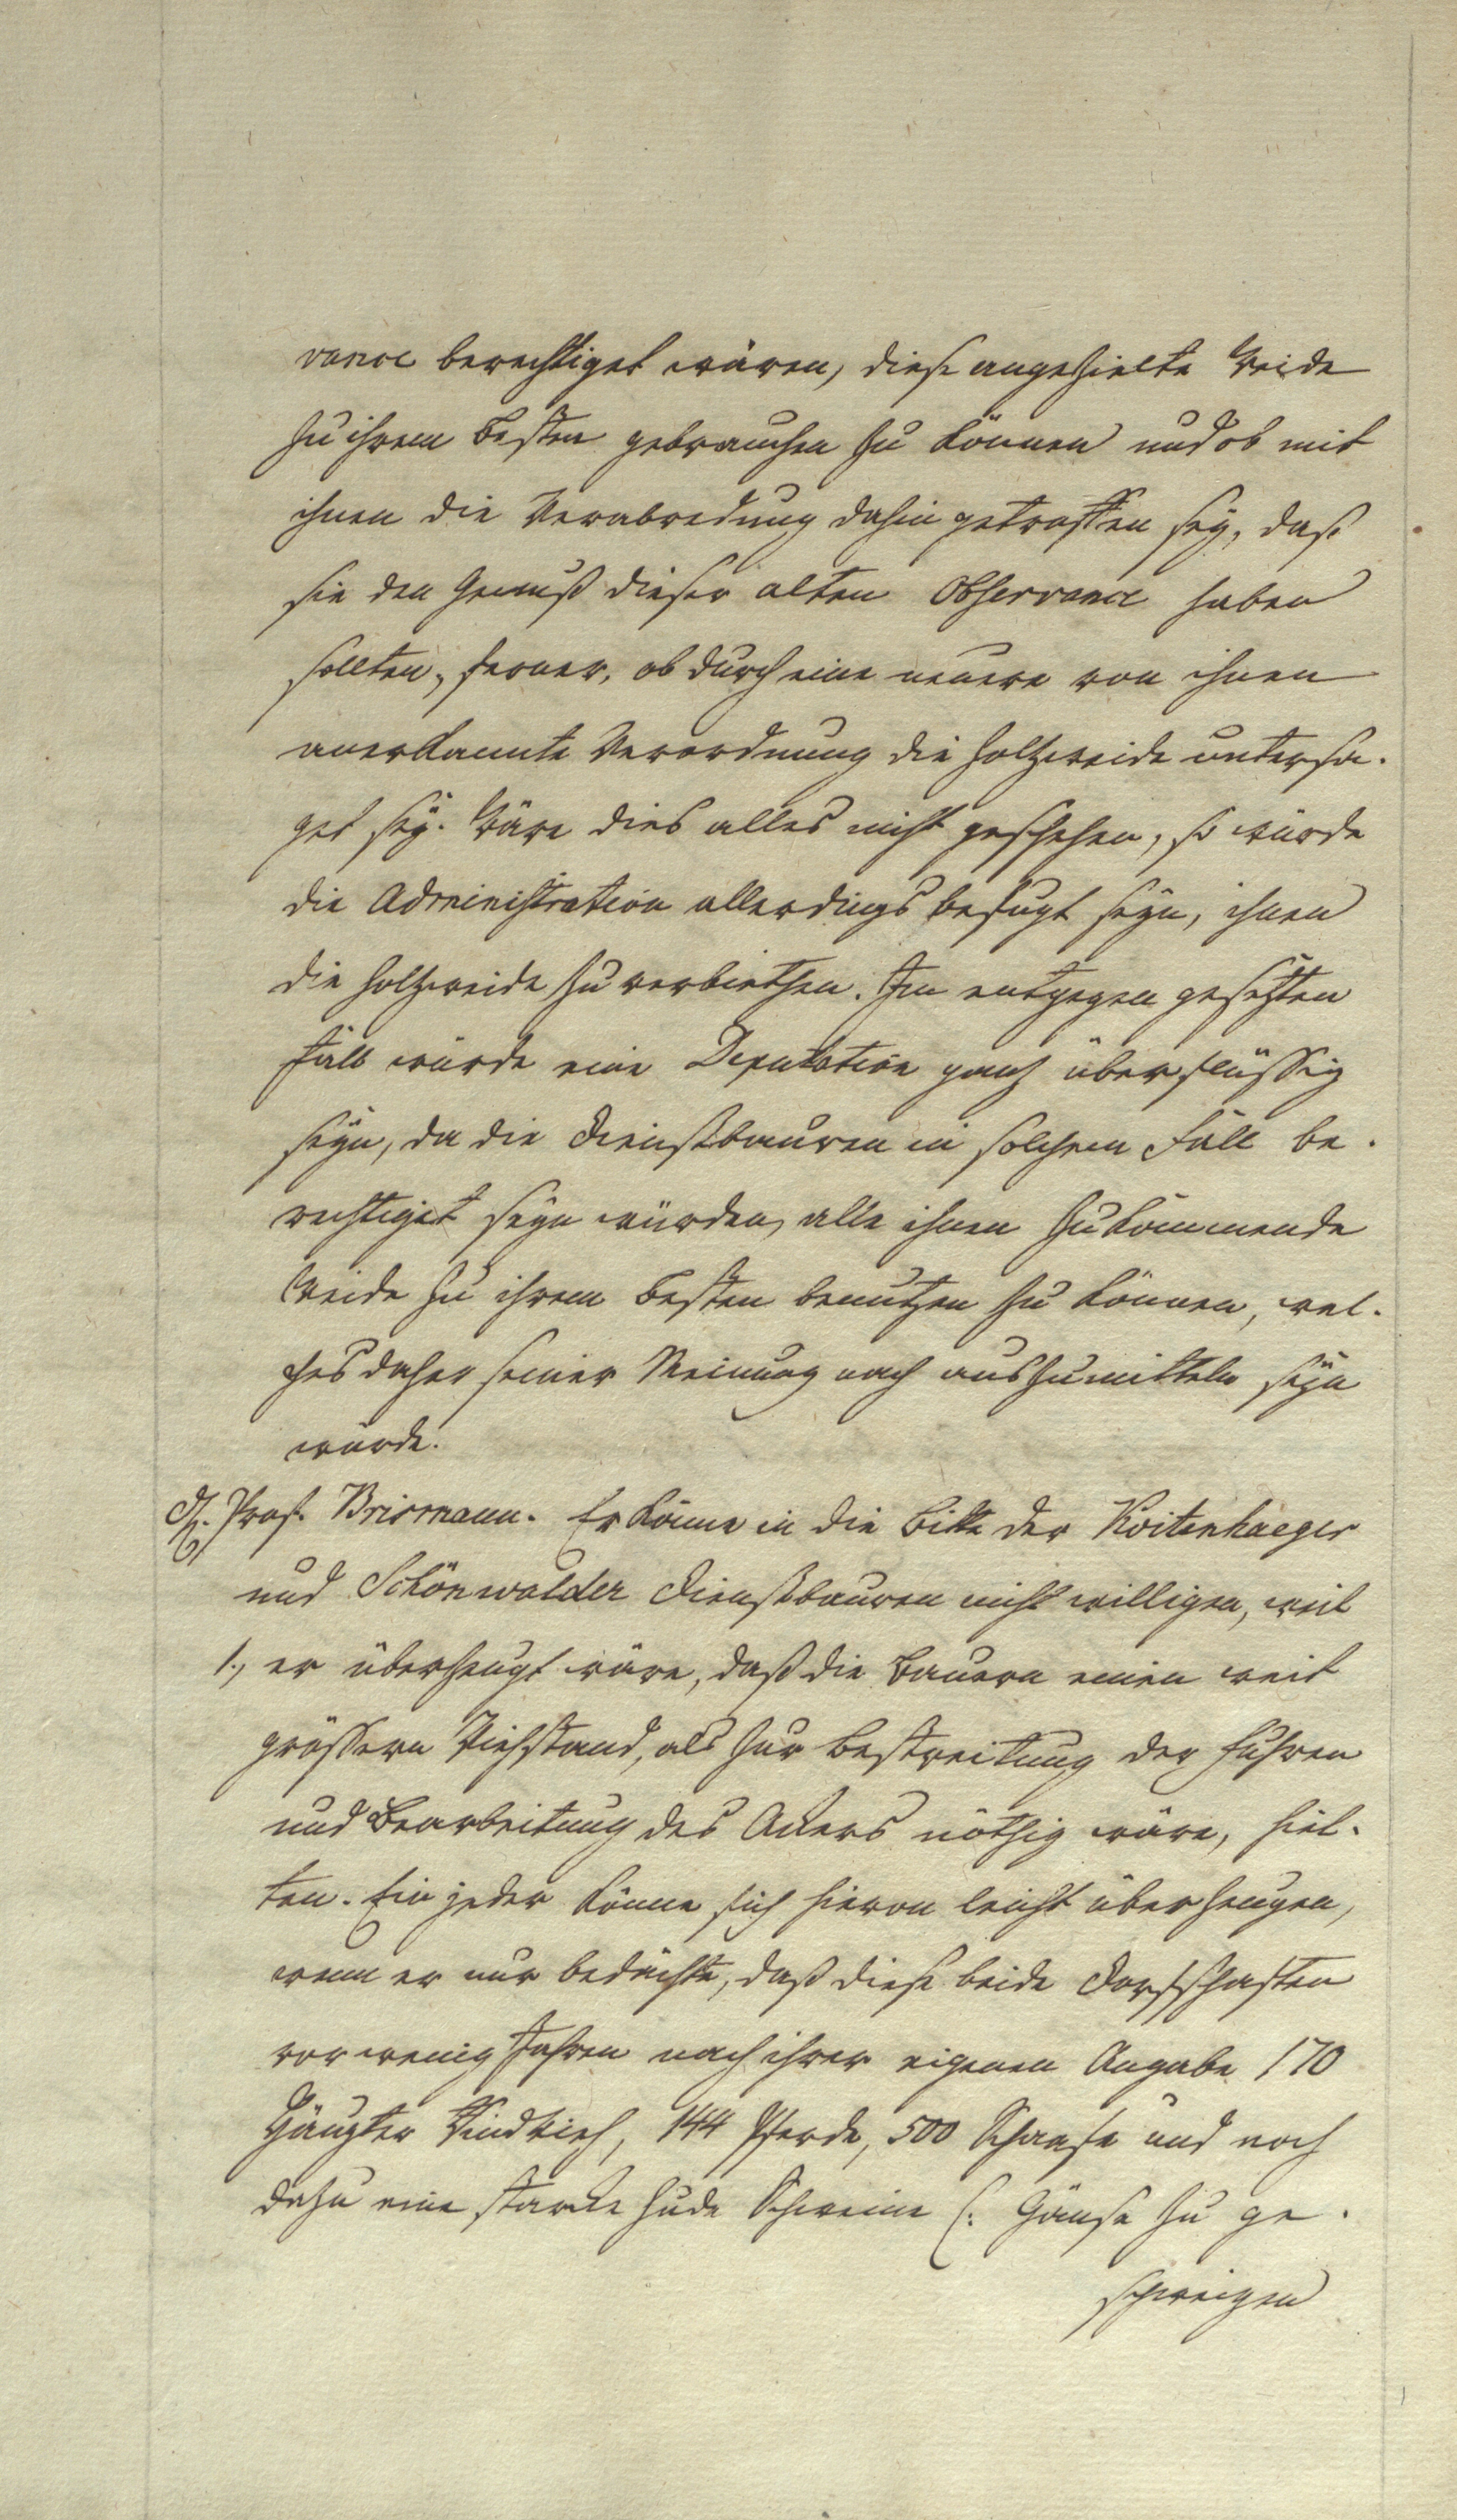vance berechtiget wären, diese angezielte Weide
zu ihrem Besten gebrauchen zu können und ob mit
ihnen die Verabredung dahin getroffen sey, daß
sie den Genuß dieser alten Observance haben
sollten, ferner, ob durch eine neuere von ihnen
anerkannte Verordnung die Holzweide untersa¬
get sey. Wäre dies alles nicht geschehen, so würde
die Administraion allerdings befugt seyn, ihnen
die Holzweide zu verbiethen. Im entgegen gesetzten
Fall würde eine Deputation ganz überflüssig
seyn, da die Dienstbauren in solchem Fall be¬
rechtiget seyn würden, alle ihnen zu kommende
Weide zu ihrem Besten benutzen zu können, wel¬
ches daher seiner Meinung nach auszumitteln seyn
würde.
dh. Prof. Brismann. Er könne in die Bitte der Koitenhaeger
und Schönwalder Dienstbauren nicht willigen, weil
1., er überzeugt wäre, daß die Bauren einen weit
grössern Viehstand, als zur Bestreitung der Fuhren
und Bearbeitung des Ackers nötig wäre, hiel¬
ten. Ein jeder könne sich hievon leicht überzeugen,
wenn er nur bedächte, daß diese beide Dorfschaften
vor wenigen Jahren nach ihrer eigenen Angabe 170
Häupter Rindvieh, 144 Pferde, 500 Schaafe und noch
dazu eine starke Hude Schweine (Gänse zu ge-
schweigen